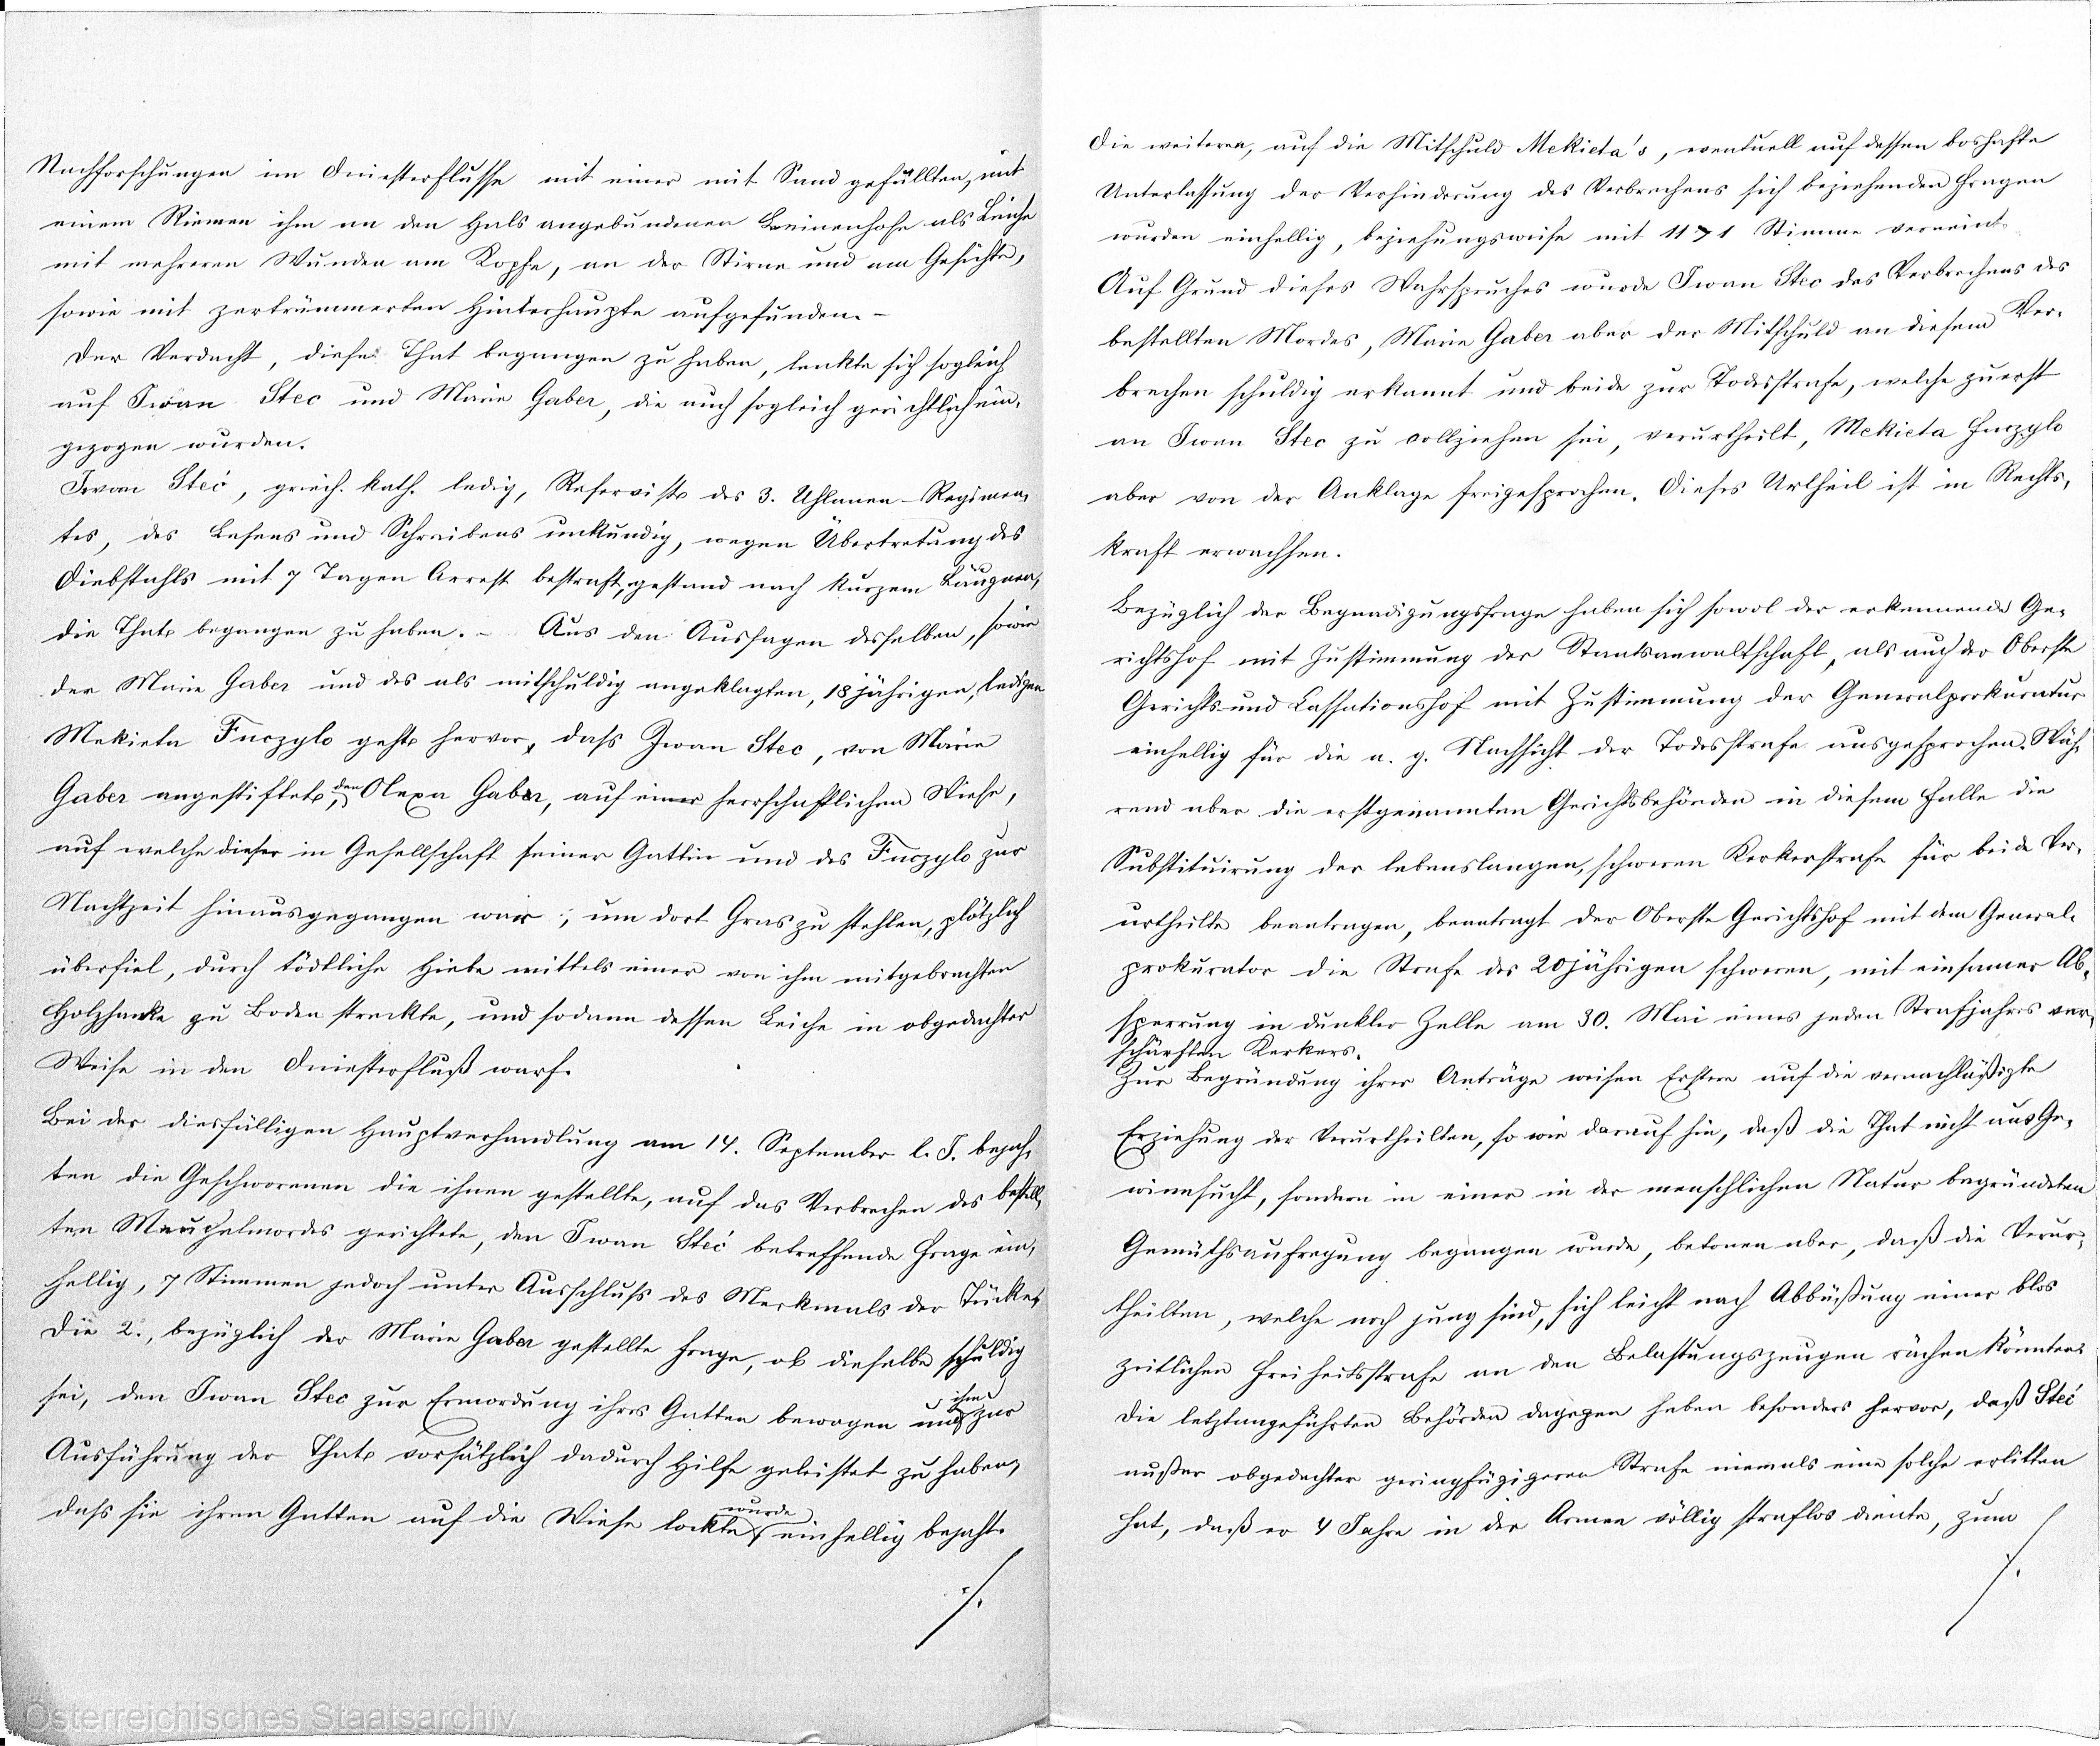Nachforschungen im Dxxsterflusse mit einer mit Sand gefüllten, mit
einem Riemen ihm an den Hals angebundenen Leinenhofe als Leiche
mit mehreren Wunden am Kopfe, an der Stirne und am Gesichte,
sowie mit zertrümmerten Hinterhaupte aufgefunden.-
Der Verdacht, dieses That begangen zu haben, lenkte sich sogleich
auf Jwan Stec und Marie Gaber, die auch sogleich gerichtlich ein¬
gezogen wurden.
Jwan Steć, greih. kath. ledig, Reservist des 3. Uhlanen Regimen¬
tes, des Lesens und Schreibens unkundig, wegen Übertretung des
Diebstahls mit 7 Tagen Arrest bestraft, gestand nach kurzen Läugnen,
die That begangen zu haben.- Aus den Aussagen desselben, sowie
der Marie Gaber und des als mitschuldig angeklagten, 18 jährigen, ledigen
Mekietxx Fuczylo geht hervor dass Jwan Stec, von Marie
Gaber angestiftet, den Olexa Gaber, auf einer herrschaftlichen Wiese,
auf welche dieser in Gesellschaft seiner Gattin und des Fuczylo zur
Nachtzeit hinausgegangen war; um dort Gras zu stehlen, plötzlich
überfiel, durch tödtliche Hiebe mittels einer von ihm mitgebrachten
Holzhaxxke zu Boden streckte, und sodann dessen Leiche in obgedachter
Weise in den Dniesterfluß warf.
Bei der diesfälligen Hauptverhandlung am 14. September l.J. bejah¬
ten die Geschworenen die ihnen gestellte, auf das Verbrechen des bestell¬
ten Meuchelmordes gerichtete, den Jwan Steć betreffende Frage ein,
hellig, 7 Stimmen jedoch unter Ausschluss des Merkmals der Tücke,
die 2., bezüglich der Marie Gaber gestellte Frage, ob dieselbe schuldig
ihm
sei, den Jwan Stec zur Ermordung ihres Gatten bewogen und zur
Ausführung der That vorsätzlich dadurch Hilfe geleistet zu haben,
wurde
dass sie ihren Gatten auf die Wiese lockte einhellig bejahte
Die weiteren, auf die Mitschuld Mekieta's, wentuell auf dessen boshafte
Unterlassung der Verhinderung des Verbrechens sich beziehenden Fragen
wurden einhellig, beziehungsweise mit 1171 Stimme verneint.
Auf Grund dieses Wahrspruches wurde Jwan Stec des Verbrechens des
bestellten Mordes, Marie Gaber aber der Mitschuld an diesem Ver¬
brechen schuldig erkannt und beide zur Todesstrafe, welche zuerst
an Jwan Stec zu vollziehen sei, verurtheilt, Mekieta Fuczylo
aber von der Anklage Freigesprochen. Dieses Urtheil ist in Rechts¬
kraft erwachsen.
Bezüglich der Begnadigungsfrage haben sich sowol der erkennende Ge¬
richtshof mit Zustimmung der Staatsanwaltschaft, als auch der Oberste
Gerichts- und Cassationshof mit Zustimmung der Generalprokuratur
einhellig für die a. g. Nachsicht der Todesstrafe ausgesprochen. Näh¬
rend aber die erstgenannten Gerichtsbehörden in diesem Falle die
Substituirung der lebenslangen, schweren Kerkerstrafe für beide Ver¬
urtheilte beantragen, beantragt der Oberste Gerichtshof mit dem General¬
prokurator die Strafe des 20jährigen schweren, mit einsamer Ab¬
sperrung in dunkler Zelle am 30. Mai eines jeden Strafjahres ver¬
schärften Kerkers.
Zur Begründung ihrer Anträge weisen Erstere auf die vernachläßigte
Erziehung der Verurtheilten, so wie darauf hin, daß die That nicht aus Ge¬
winnsucht, sondern in einer in der menschlichen Natur begründeten
Gemüthsaufregung begangen wurde, betonen aber, daß die Verur¬
theilten, welche noch jung sind, sich leicht nach Abbüßung einer blos
zeitlichen Freiheitsstrafe an den Belastungszeugen rächen könnten.
Die letztungeführten Behörden dagegen haben besonders hervon, daß Steć
außer obgedachter geringfüzigeren Strafe niemals eine solche erlitten
hat, daß er 4 Jahre in die Armee völlig straflos diente, zum